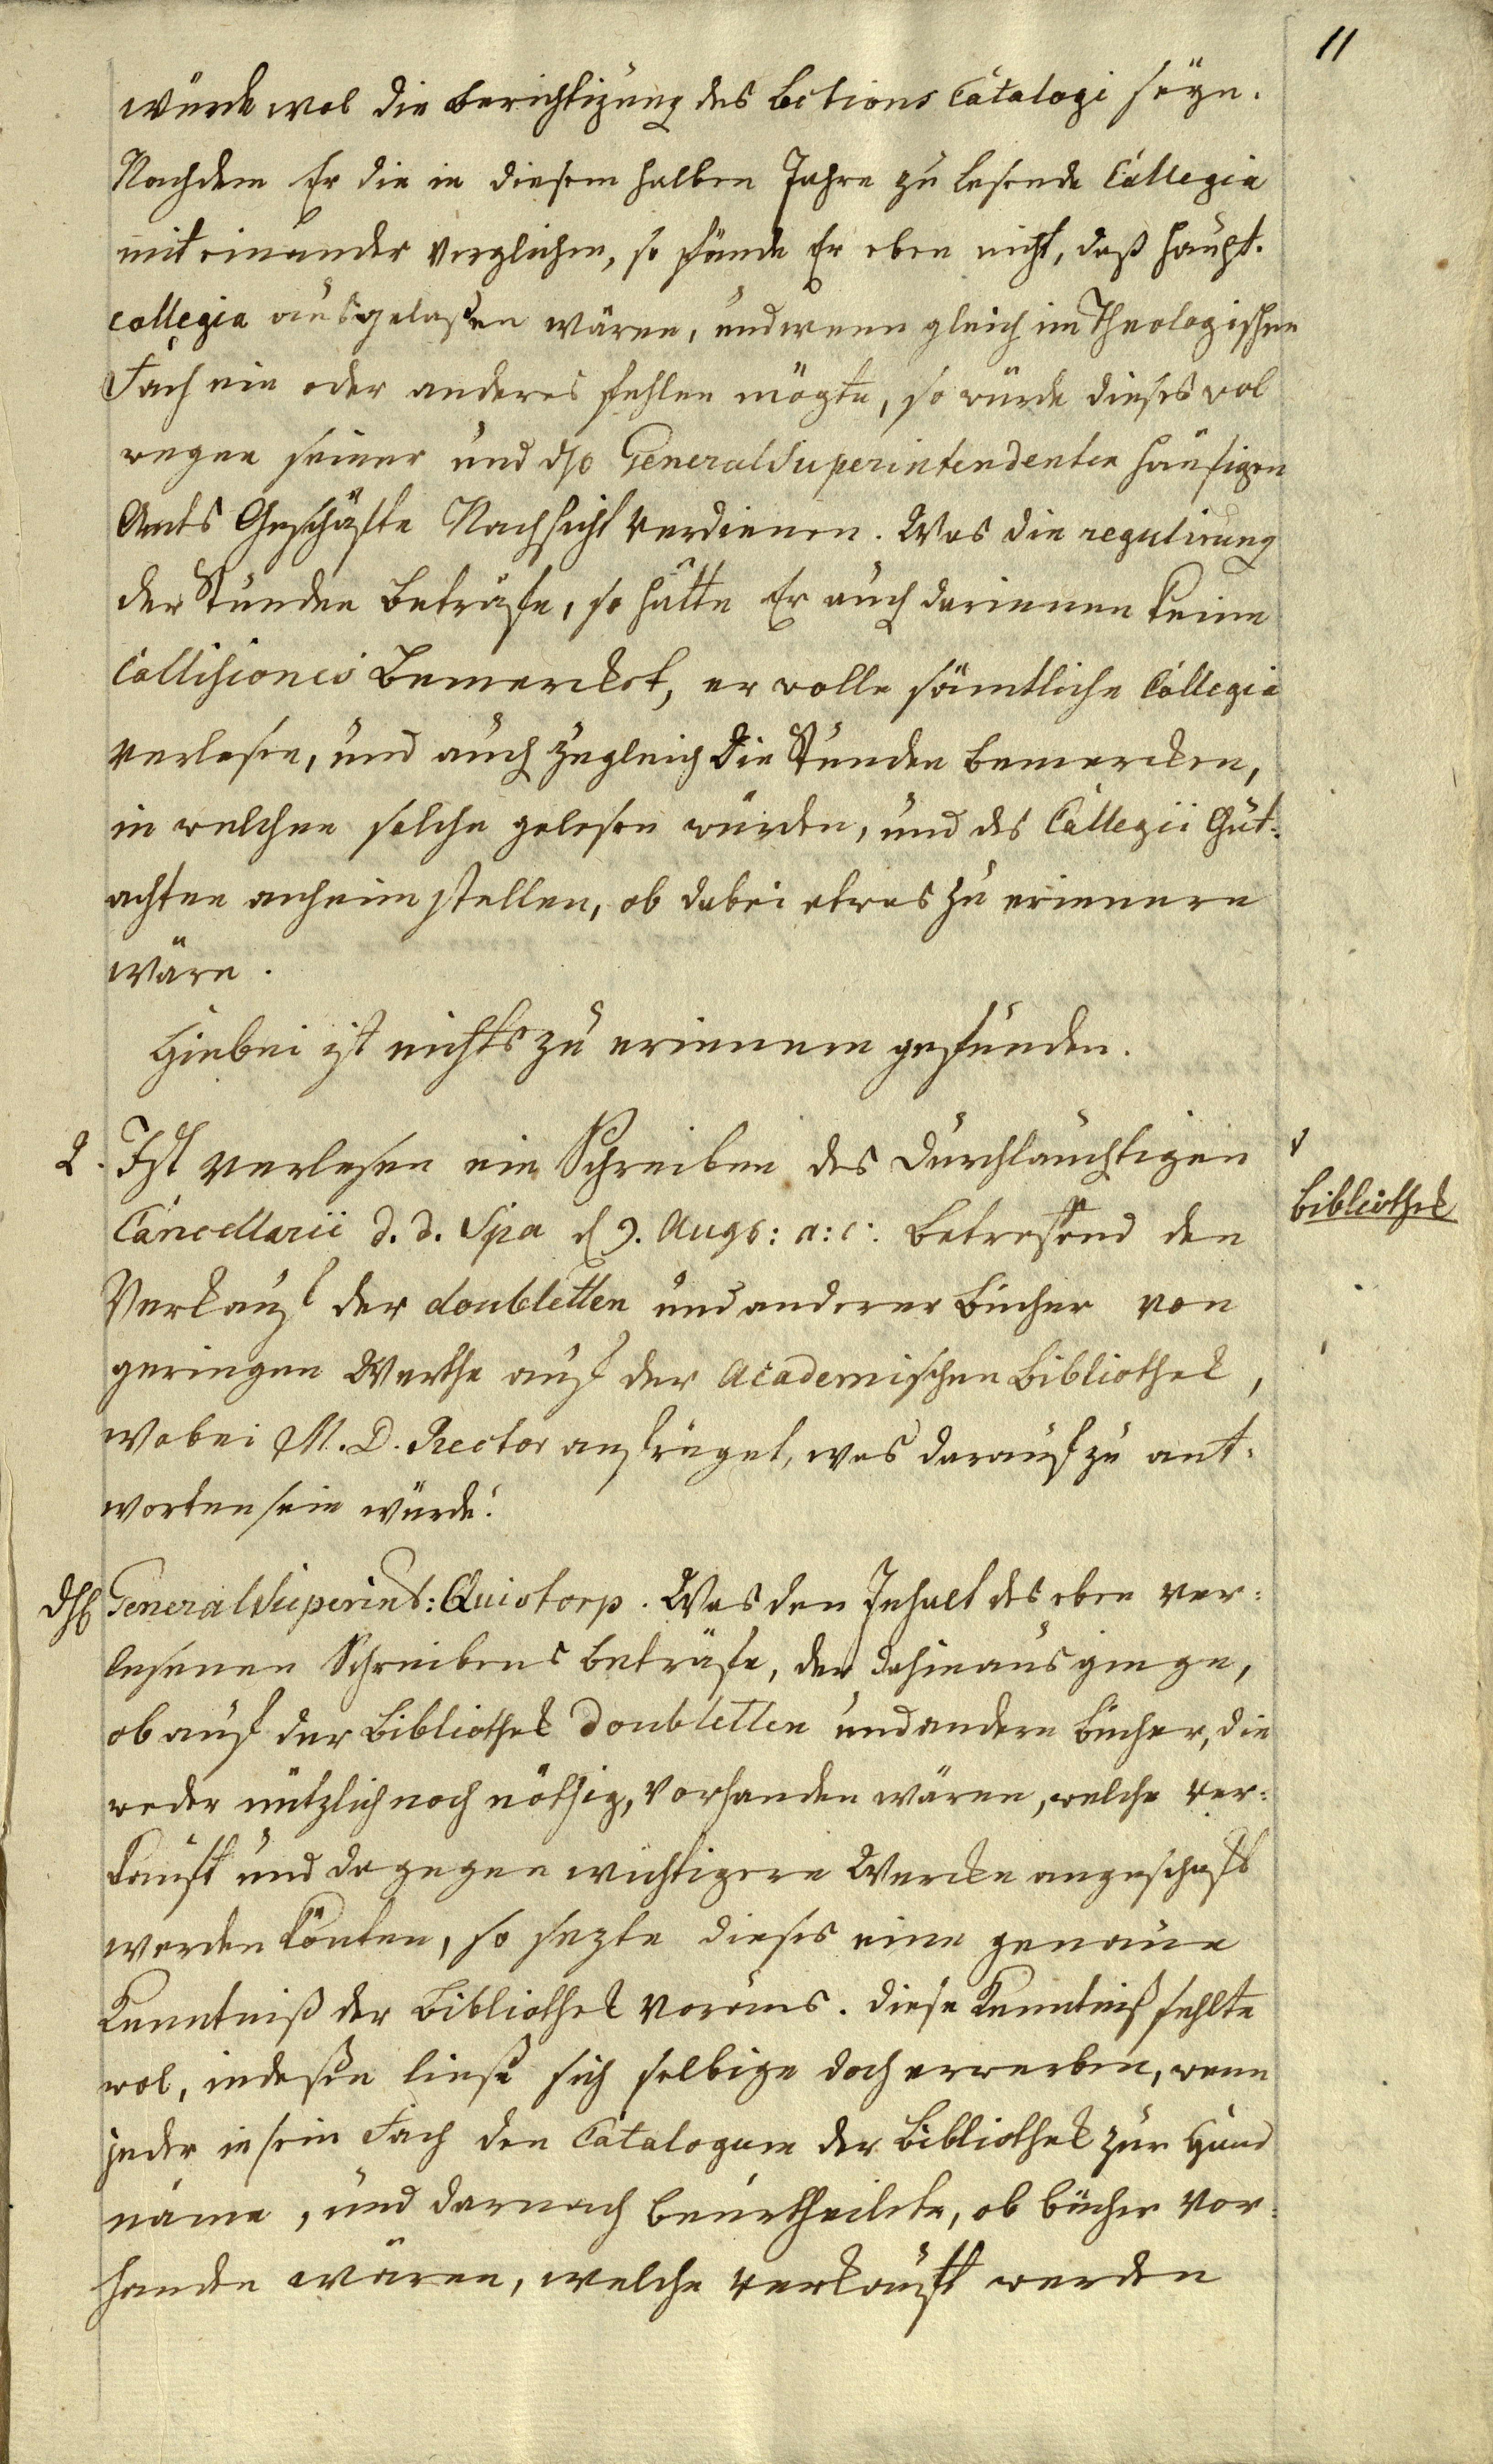würde die Berichtigung des Lections Catalogi seÿn.
Nachdem er die in diesem halben Jahre zu lesende Collegia
mit einander verglichen, so fände Er eben nicht, daß haupt¬
collegia ausgelaßen wären, und wenn gleich im Theologischen
Fach ein oder anderes fehlen mögte, so würde dieses wol
wegen seiner und dh GeneralSuperintendenten häufigen
Amts Geschäfte Nachsicht verdienen. was die regulirung
der Stunden beträfe, so hätte Er auch darinnen keine
Collisiones bemercket, er wolle sämtliche Collegia
verlesen, und auch zugleich Die Stunden bemercken,
in welchen solche gelesen würden, und des Collegii Gut¬
achten anheim stellen, ob dabei etwas zu erinnern
wäre.
Hiebei ist nichts zu erinnern gefunden.
2. Ist verlesen ein Schreiben des Durchläuchtigen
Cancellarii d. d. Spa d 9. Augs: a: c: betreffend den
Verkauf der doubletten und anderer Bücher von
geringen Werthe auf der Academischen Bibliothek,
wobei M. D. Rector anfräget, was darauf zu ant¬
worten sein würde!
dh GeneralSuperint: Quistorp. Was den Inhalt des eben ver¬
lesenen Schreibens beträfe, der dahinaus ginge,
ob auf der Bibliothek doubletten und andere Bücher, die
weder nützlich noch nöthig, vorhanden wären, welche ver¬
kauft und dagegen wichtigere Wercke angeschaft
werden könten, so sezte dieses eine genaue
Kenntniß der Bibliothek voraus. Diese Kenntniß fehlte
wol, indeßen ließe sich selbige doch erwerben, wenn
jeder in sein fach den Catalogum der Bibliothek zur Hand
näme, und darnach beurtheilete, ob Bücher vor¬
handen wären, welche verkauft werden
Bibliothek